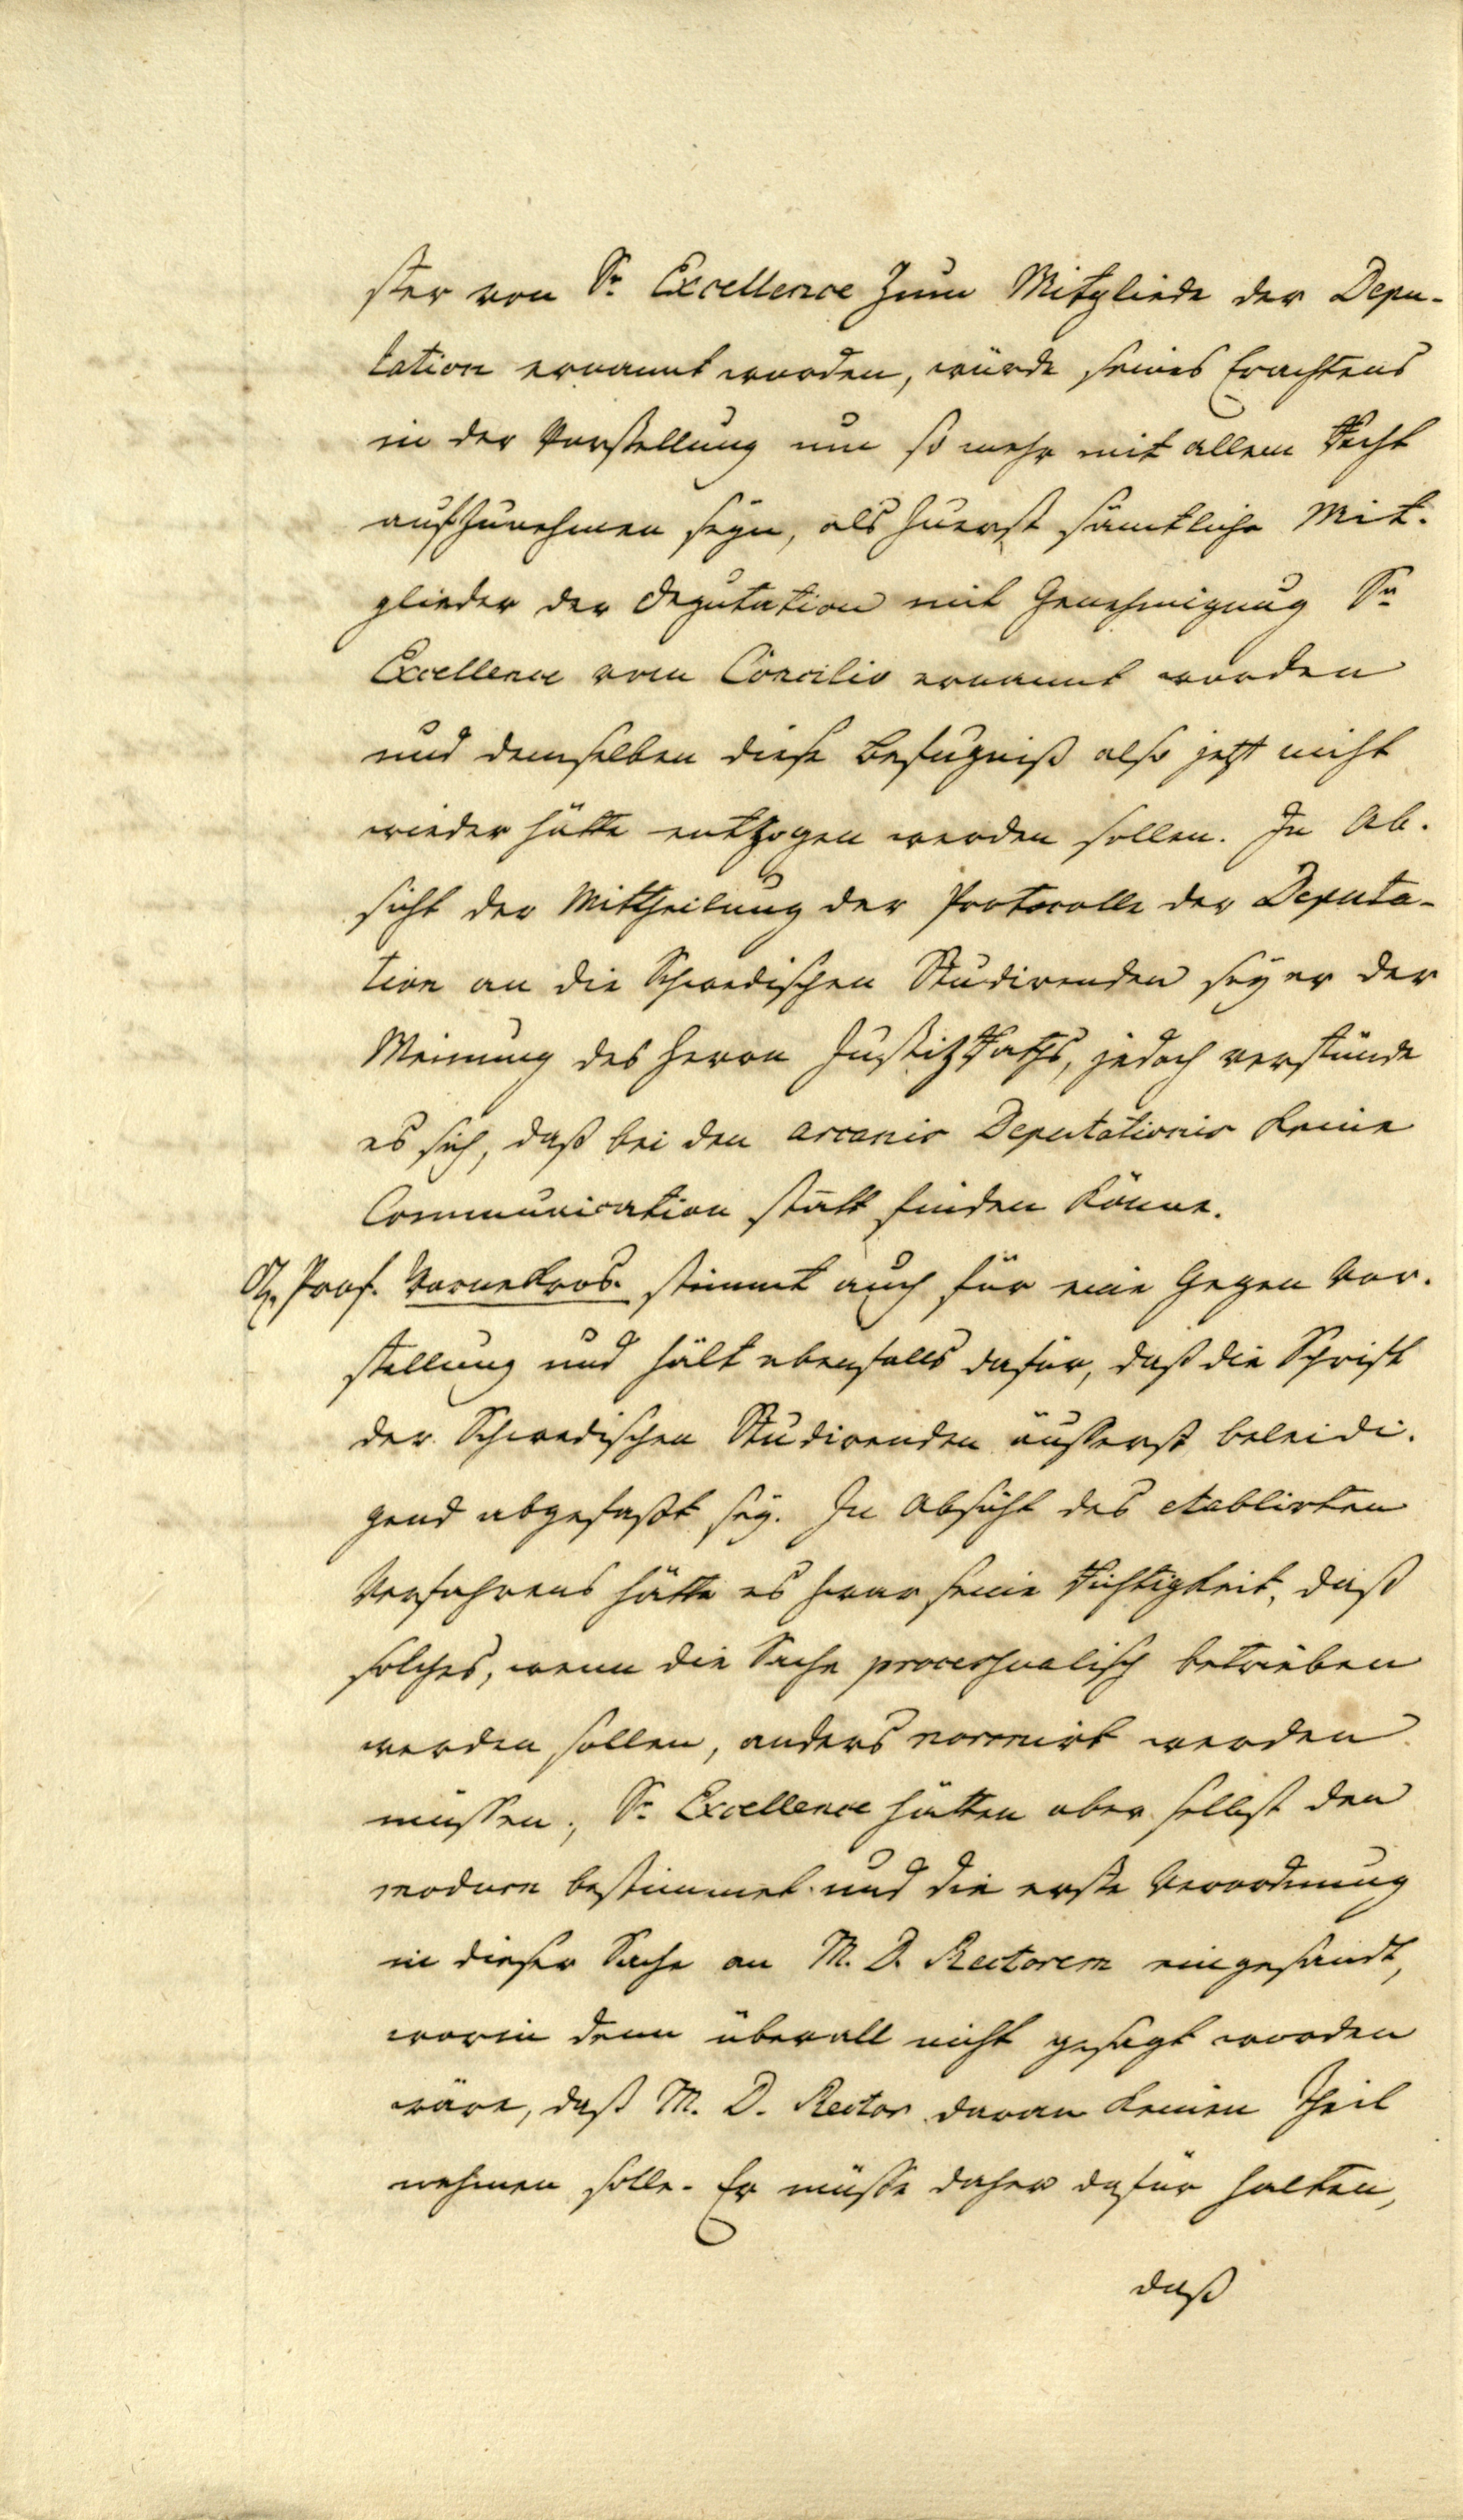ster von Sr. Excellence zum Mitgliede der Depu¬
tation ernannt worden, würde seines Erachtens
in der Vorstellung um so mehr mit allem Recht
aufzunehmen seÿn, als zuerst sämtliche Mit¬
glieder der Deputation mit Genehmigung Sr
Excellence vom Concilio ernannt worden
und demselben diese Befugniß also jetzt nicht
wieder hätte entzogen werden sollen. In Ab¬
sicht der Mittheilung der Protocolle der Deputa¬
tion an die Schwedischen Studirenden seÿ er der
Meinung des Herrn JustizRaths, jedoch verstünde
es sich, daß bei den arcanis Deputationis keine
Communication statt finden könne.
dh. Prof. Warnekros stimmt auch für eine Gegen Vor¬
stellung und hält ebenfalls dafür, daß die Schrift
der Schwedischen Studirenden äusserst beleidi¬
gend abgefaßt seÿ. In Absicht des etablirten
Verfahrens hätte es zwar seine Richtigkeit, daß
solches, wenn die Sache porocessualisch betrieben
werden sollen, anders normirt werden
müssen, Sr Excellence hätten aber selbst den
modum bestimmet und die erste Verordnung
in dieser Sache an M. D. Rectorem eingesandt,
worin denn überall nicht gesagt worden
wäre, daß M. D. Rector daran keinen Theil
nehmen solle. Er müsse daher dafür halten,
daß